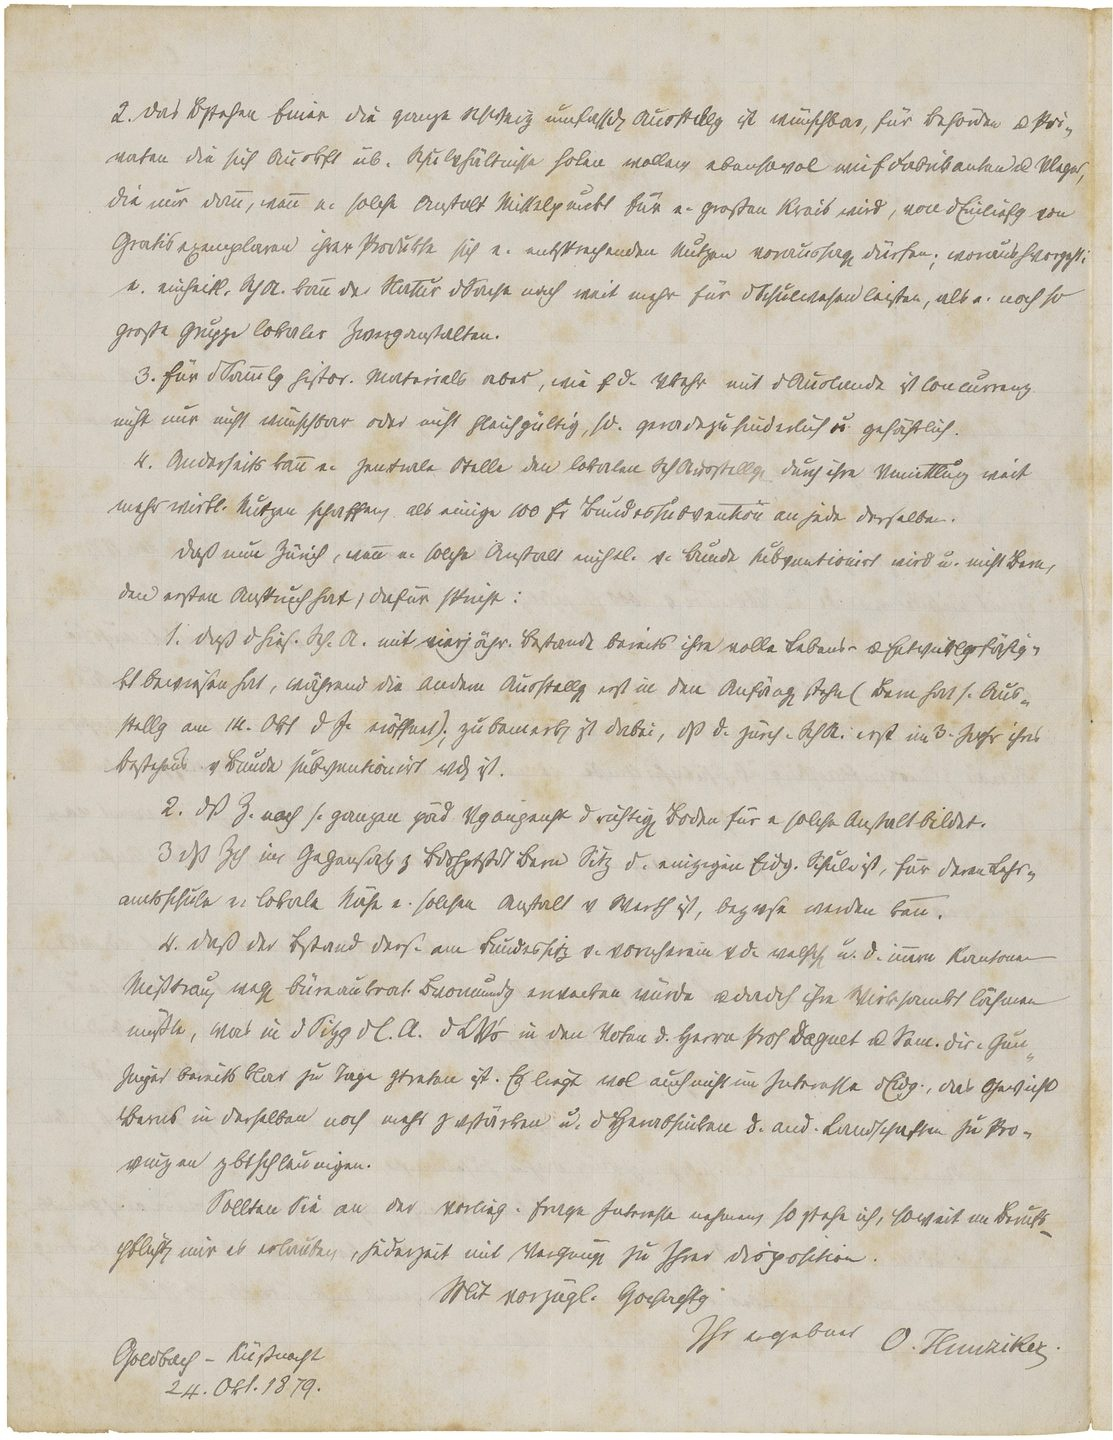2. Das Bstehen Einer die ganze Schweiz umfassden Ausstellg ist wünschbar, für Behörden u Pri-
vaten die sich Auskft üb. Schulvhältnisse holen wollen, ebensowol wie f Fabrikanten u Vleger,
die nur dann, wenn e. solche Anstalt Mittelpunkt für e. großen Kreis wird, von d Einliefg von
Gratisexemplaren ihrer Produkte sich e. entsprechenden Nutzen voraussagen dürfen; woraus hrvrgeht,
e. einheitl. SchA. kann der Natur d Sache nach weit mehr für d Schulwesen leisten, als e. noch so
große Gruppe lokaler Zweiganstalten.
3. für d Sammlg histor. Materials aber, wie f d. Vkehr mit d Auslande ist Concurrenz
nicht nur nicht wünschbar oder nicht gleichgültig, sd. geradezu hinderlich u. gefährlich.
4. Anderseits kann e. zentrale Stelle den lokalen SchAusstellgen durch ihre Vmittlung weit
mehr wirkl. Nutzen schaffen, als einige 100 fr Bundessubvention an jede derselben.
Daß nun Zürich, wenn e. solche Anstalt einhtl. v. Bunde subventionirt wird u. nicht Bern,
den ersten Anspruch hat, dafür spricht:
1. daß d hies. Sch.A. mit vierjähr. Bestande bereits ihre volle Lebens- u Entwicklgsfähig-
kt bewiesen hat, während die andern Ausstellgen erst in den Anfängen stehn (Bern hat s. Aus-
stellg am 14. Okt dJ. eröffnet); zu bemerken ist dabei, dß d. zürch. SchA. erst im 3. Jahr ihres
Bestehens v. Bunde subventionirt wden ist.
2. dß Z. nach s. ganzen päd Vgangenht d richtigen Boden für e. solche Anstalt bildet.
3 dß Zch im Gegensatz z Bdshptstdt Bern Sitz d. einzigen Eidg. Schule ist, für deren Lehr-
amtsschule e. lokale Nähe e. solchen Anstalt von Werth ist, bezwse werden kann.
4. daß der Bstand ders. am Bundessitz v. vornherein v. d. welschen u. d. innern Kantonen
Mißtrauen wegen büreaukrat. Bvormundg erwecken würde u dadch ihre Wirksamkt lähmen
müßte, was in d Sitzg d. C.A. d LV's in den Voten d. Herrn Prof Daguet & Sem.dir. Gun-
zinger bereits klar zu Tage gtreten ist. Es liegt wol auch nicht im Interesse d Eidg., das Gewicht
Berns in derselben noch mehr z vstärken u. d Herabsinken d. and. Landschaften zu Pro-
vinzen z beschleunigen.
Sollten Sie an der vorlieg. Frage Interesse nehmen, so stehe ich, soweit meine Berufs-
pflichten mir es erlauben, jederzeit mit Vergnügen zu Ihrer Disposition.
Mit vorzügl. Hochachtg
Ihr ergebner
O. Hunziker.
Goldbach-Küßnacht
24. Okt. 1879.